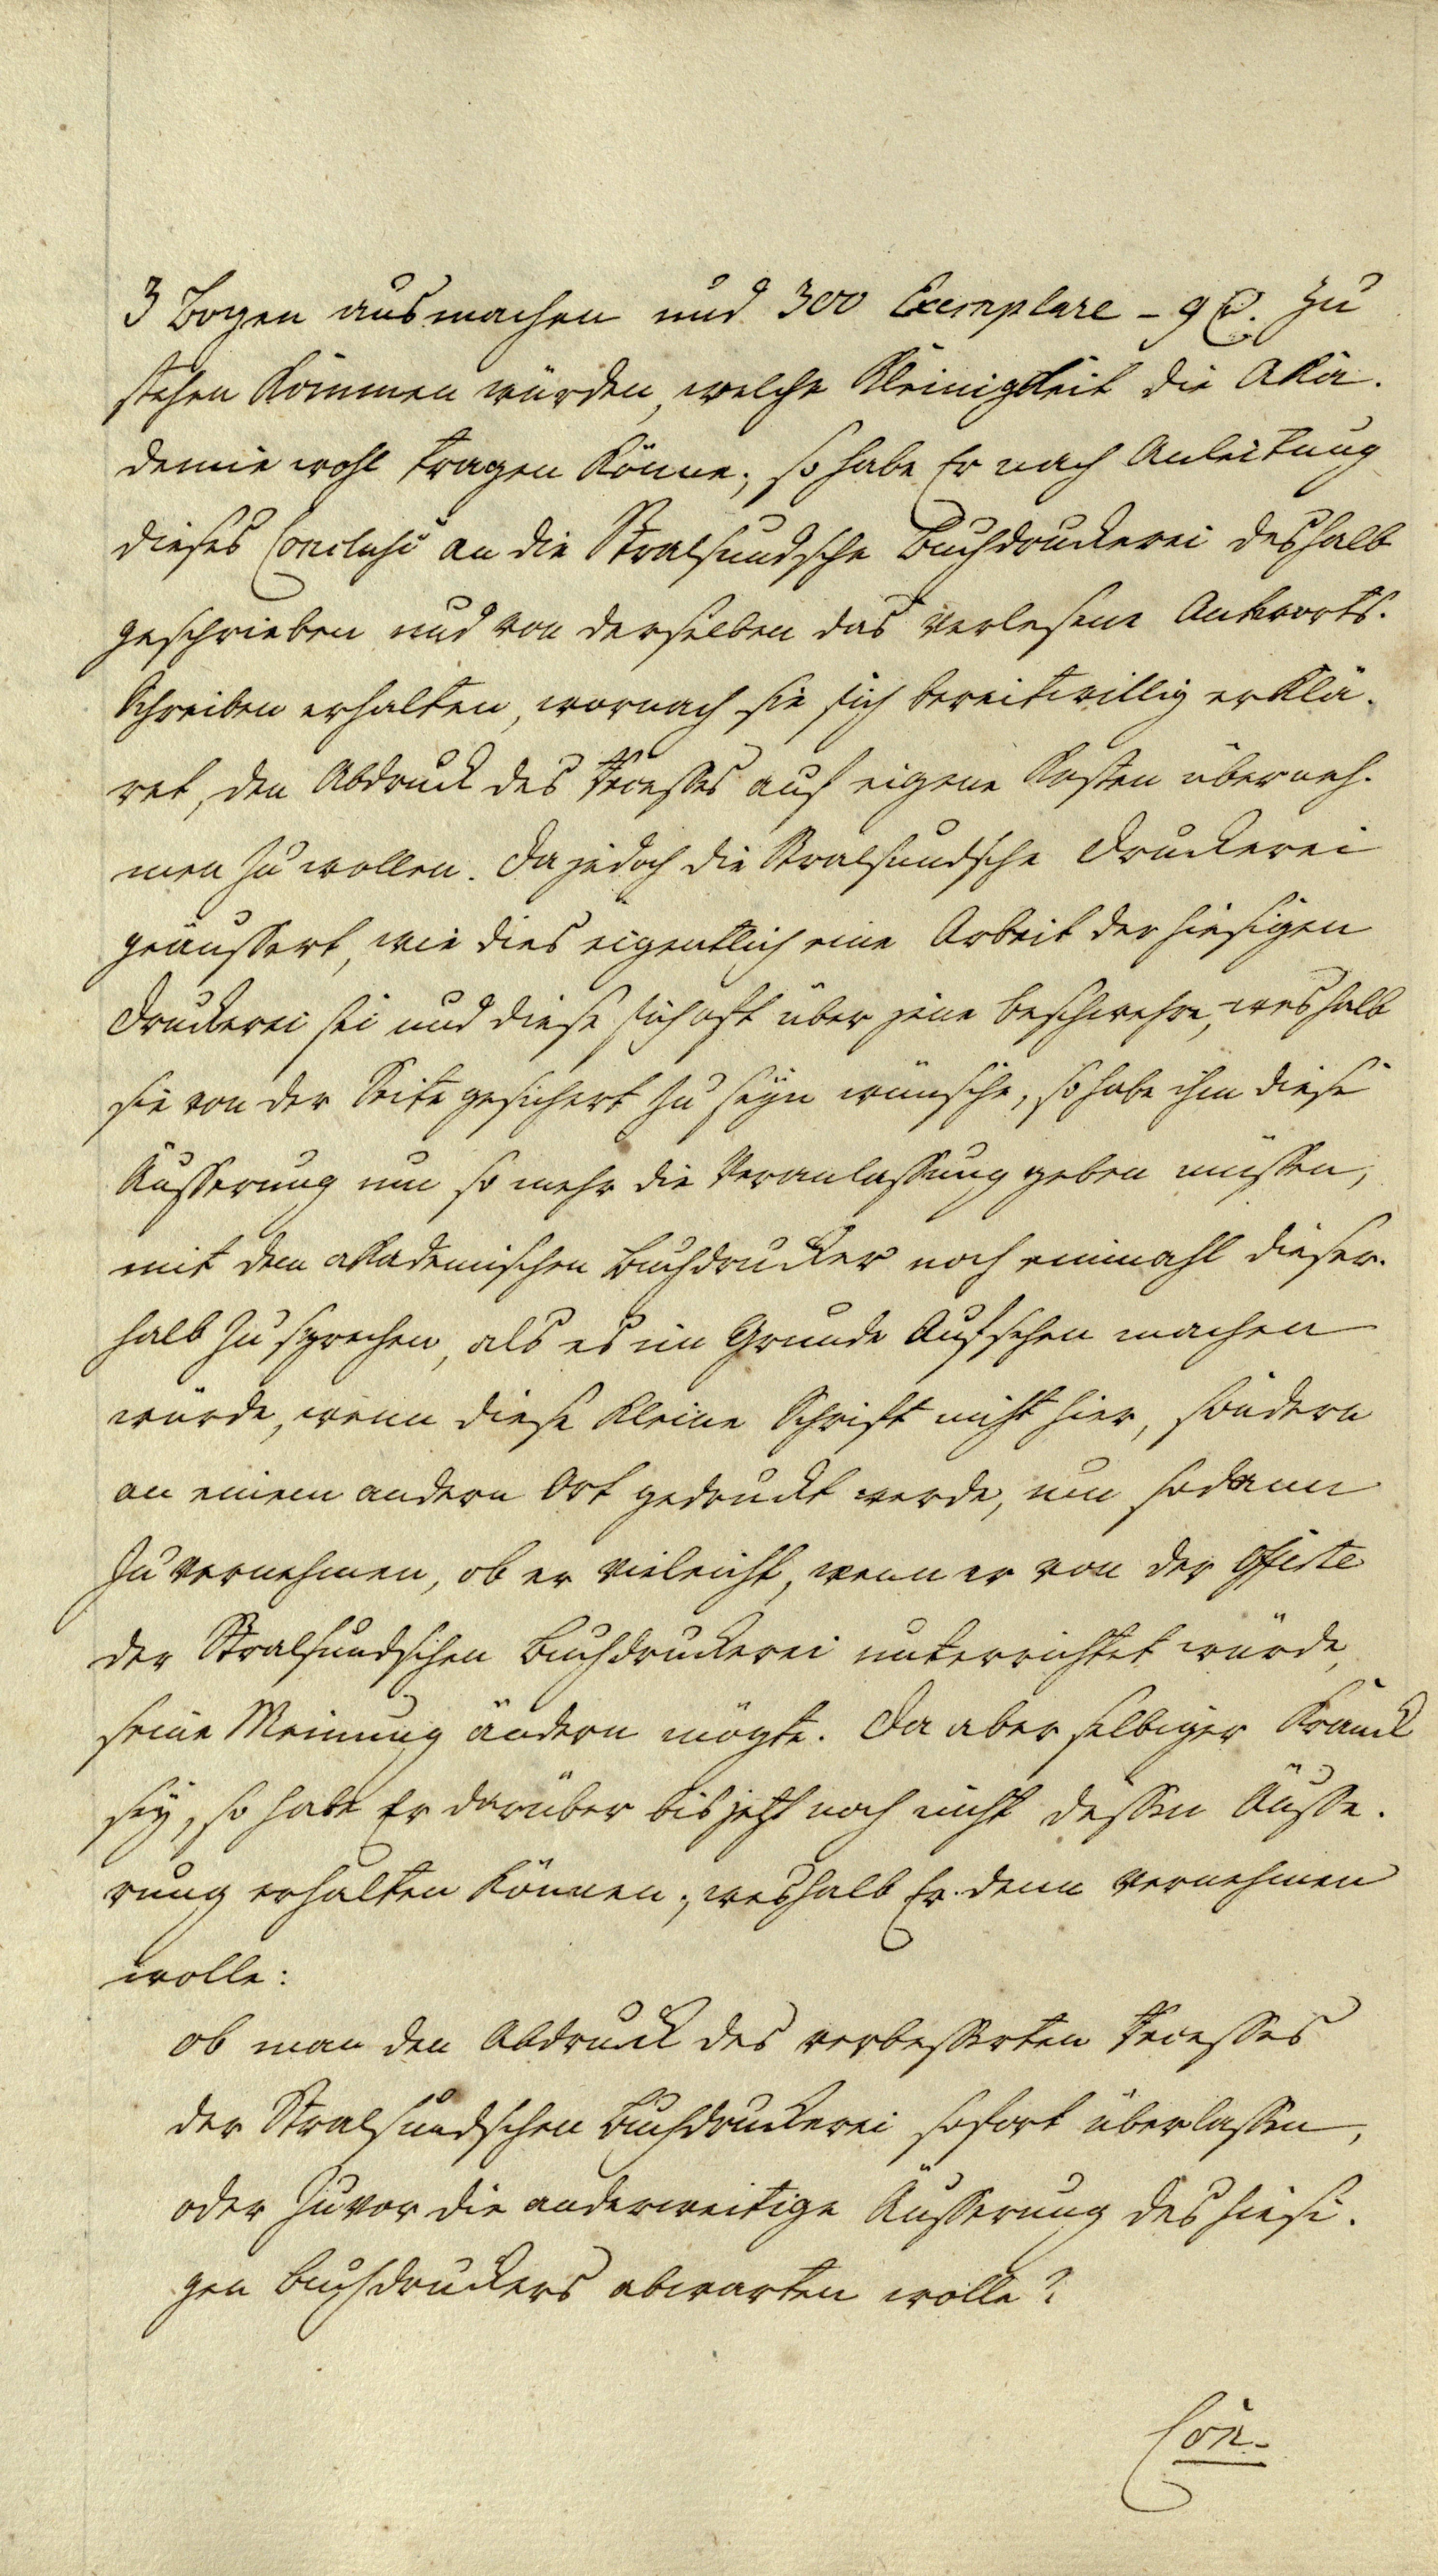3 Bogen ausmachen und 300 Exemplare - 9 l. zu
stehen kommen würden, welche Kleinigkeit die Aka¬
demie wohl tragen könne; so habe Er nach Anleitung
dieses Conclusi an die Stralsundsche Buchdruckerei deshalb
geschrieben und von derselben das verlesene Antworts¬
Schreiben erhalten, wornach sie sich bereitwillig erklä¬
ret, den Abdruck des Recesses auf eigene Kosten überneh¬
men zu wollen. Da jedoch die Stralsundsche Druckerei
geäussert, wie dies eigentlich eine Arbeit der hiesigen
Drudkerei sei und diese sich oft über jene beschwehre, weshalb
sie von der Seite gesichert zu seÿn wünsche, so habe ihm diese
Äusserung um so mehr die Veranlassung geben müssen,
mit dem akademischen Buchdrucker noch einmahl dieser¬
halb zu sprechen, als es im Grunde Aufsehen machen
würde, wenn diese kleine Schrift nicht hier, sondern
an einem andern Ort gedruckt werde, um sodann
zu vernehmen, ob er vieleicht, wenn er von der Offerte
der Stralsundschen Buchruckerei unterrichtet würde,
seine Meinung ändern mögte. Da aber selbiger kranck
seÿ, so habe Er darüber bis jetzt noch nicht dessen Äusse¬
rung erhalten können; weshalb Er denn vernehmen
wolle:
ob man den Abdruck des verbesserten Recesses
der Stralsundschen Buchdruckerei sofort überlassen,
oder zuvor die anderweitige Äusserung des hiesi¬
gen Buchdruckers abwarten wolle?
Con¬